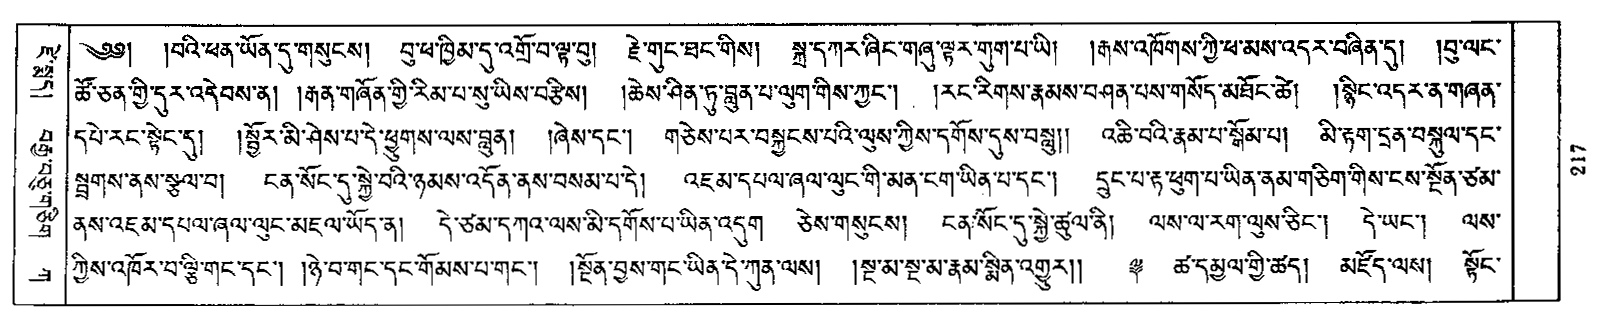༄༅། །བའི་ཕན་ཡོན་དུ་གསུངས། བུ་ཕ་ཁྱིམ་དུ་འགྲོ་བ་ལྟ་བུ། རྗེ་གུང་ཐང་གིས། སྐྲ་དཀར་ཞིང་གཞུ་ལྟར་གུག་པ་ཡི། །རྒས་འཁོགས་ཀྱི་ཕ་མས་འདར་བཞིན་དུ། །བུ་ལང་
ཚོ་ཅན་གྱི་དུར་འདེབས་ན། །རྒན་གཞོན་གྱི་རིམ་པ་སུ་ཡིས་བརྩིས། །ཆེས་ཤིན་ཏུ་བླུན་པ་ལུག་གིས་ཀྱང་། །རང་རིགས་རྣམས་བཤན་པས་གསོད་མཐོང་ཚེ། །སྙིང་འདར་ན་གཞན་
དཔེ་རང་སྟེང་དུ། །སྦྱོར་མི་ཤེས་པ་དེ་ཕྱུགས་ལས་བླུན། །ཞེས་དང་། གཅེས་པར་བསྐྱངས་པའི་ལུས་ཀྱིས་དགོས་དུས་བསླུ།། འཆི་བའི་རྣམ་པ་སྒོམ་པ། མི་རྟག་དྲན་བསྐུལ་དང་
སྦྲགས་ནས་སྩལ་བ། ངན་སོང་དུ་སྐྱེ་བའི་ཉམས་འདོན་ནས་བསམ་པ་དེ། འཇམ་དཔལ་ཞལ་ལུང་གི་མན་ངག་ཡིན་པ་དང་། དྲུང་པ་རྟ་ཕུག་པ་ཡིན་ནམ་གཅིག་གིས་ངས་སྔོན་ཙམ་
ནས་འཇམ་དཔལ་ཞལ་ལུང་མཇལ་ཡོད་ན། དེ་ཙམ་དཀའ་ལས་མི་དགོས་པ་ཡིན་འདུག་ཅེས་གསུངས། ངན་སོང་དུ་སྐྱེ་ཚུལ་ནི། ལས་ལ་རག་ལུས་ཅིང་། དེ་ཡང་། ལས་
ཀྱིས་འཁོར་བ་ལྕི་གང་དང་། །ཉེ་བ་གང་དང་གོམས་པ་གང་། །སྔོན་བྱས་གང་ཡིན་དེ་ཀུན་ལས། །སྔ་མ་སྔ་མ་རྣམ་སྨིན་འགྱུར།། ༈ ཚ་དམྱལ་གྱི་ཚད། མཛོད་ལས། སྟོང་